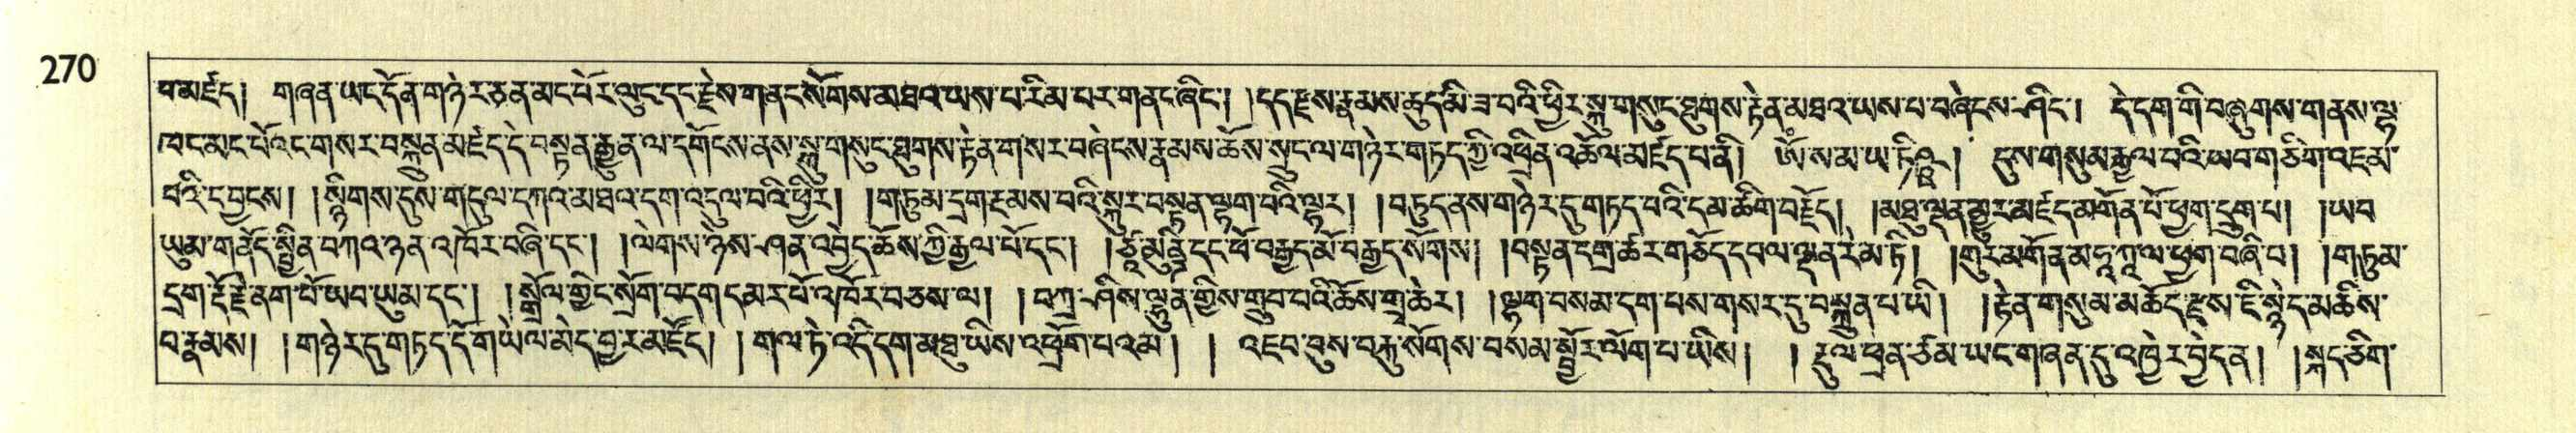བ་མཛད། གཞན་ཡང་དོན་གཉེར་ཅན་མང་པོར་ལུང་དང་རྗེས་གནང་སོགས་མཐའ་ཡས་པ་རིམ་པར་གནང་ཞིང་། །དད་རྫས་རྣམས་ཆུད་མི་ཟ་བའི་ཕྱིར་སྐུ་གསུང་ཐུགས་རྟེན་མཐའ་ཡས་པ་བཞེངས་ཤིང་། དེ་དག་གི་བཞུགས་གནས་ལྷ་
ཁང་མང་པོའང་གསར་བསྐྲུན་མཛད་དེ་བསྟན་རྒྱུན་ལ་དགོངས་ནས་སྐུ་གསུང་ཐུགས་རྟེན་གསར་བཞེངས་རྣམས་ཆོས་སྲུང་ལ་གཉེར་དུ་གཏད་ཀྱི་འཕྲིན་འཆོལ་མཛད་པ་ནི། ཨོཾ་ས་མ་ཡ་ཏིཥཊཿཨ། དུས་གསུམ་རྒྱལ་བའི་ཡབ་གཅིག་འཇམ་
པའི་དབྱངས། །སྙིགས་དུས་གདུལ་དཀའ་མཐའ་དག་འདུལ་བའི་ཕྱིར། །གཏུམ་དྲག་རྔམས་བའི་སྐུར་བསྟན་ལྷག་པའི་ལྷར། །བཏུད་ནས་གཉེར་དུ་གཏད་པའི་དམ་ཚིག་བརྗོད། །མཐུ་ལྡན་མྱུར་མཛད་མགོན་པོ་ཕྱག་དྲུག་པ། །ཡབ་
ཡུམ་གནོད་སྤྱིན་བཀའ་ཉན་འཁོར་བཞི་དང་། །ལེགས་ཉེས་ཤན་འབྱེད་ཆོས་ཀྱི་རྒྱལ་པོ་དང་། །ཙཱ་མུནྜི་དང་ཕོ་བརྒྱད་མོ་བརྒྱད་སོགས། །བསྟན་དགྲ་ཚར་གཅོད་དཔལ་ལྡན་རེ་མ་ཏི། །གུར་མགོན་མ་ཧཱ་ཀཱ་ལ་ཕྱག་བཞི་པ། །གཏུམ་
དྲག་རྡོ་རྗེ་ནག་པོ་ཡབ་ཡུམ་དང་། །སྒྲོལ་གྱིང་སྲོག་བདག་དམར་པོ་འཁོར་བཅས་ལ། །བཀྲ་ཤིས་ལྷུན་གྱིས་གྲུབ་པའི་ཆོས་གྲྭ་ཆེར། །ལྷག་བསམ་དག་པས་གསར་དུ་བསྐྲུན་པ་ཡི། །རྟེན་གསུམ་མཆོད་རྫས་ཇི་སྙེད་མཆིས་
བ་རྣམས། །གཉེར་དུ་གཏད་དོ་གཡེལ་མེད་བྱ་ར་མཛོད། །གལ་ཏེ་འདི་དག་མཐུ་ཡིས་འཕྲོག་པའམ། །འཇབ་བུས་བརྐུ་སོགས་བསམ་སྦྱོར་ལོག་པ་ཡིས། །རྡུལ་ཕྲན་ཙམ་ཡང་གཞན་དུ་འཁྱེར་བྱེད་ན། །སྐད་ཅིག་